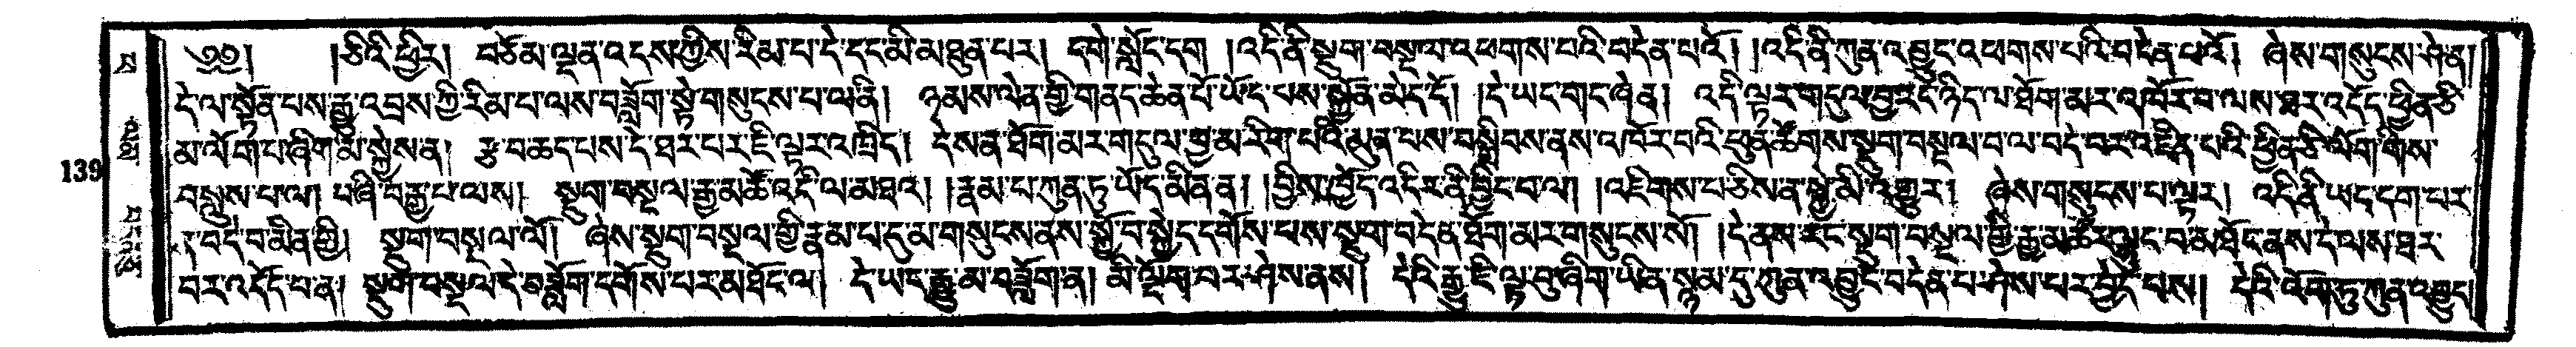༄༅། །ཅིའི་ཕྱིར། བཅོམ་ལྡན་འདས་ཀྱིས་རིམ་པ་དེ་དང་མི་མཐུན་པར། དགེ་སློང་དག །འདི་ནི་སྡུག་བསྔལ་འཕགས་པའི་བདེན་པའོ། །འདི་ནི་ཀུན་འབྱུང་འཕགས་པའི་བདེན་པའོ། ཞེས་གསུངས་ཤེ་ན།
དེ་ལ་སྟོན་པས་རྒྱུ་འབྲས་ཀྱི་རིམ་པ་ལས་བཟློག་སྟེ་གསུངས་པ་ལ་ནི། ཉམས་ལེན་གྱི་གནད་ཆེན་པོ་ཡོད་པས་སྐྱོན་མེད་དོ། །དེ་ཡང་གང་ཞེ་ན། འདི་ལྟར་གདུལ་བྱ་རང་ཉིད་ལ་ཐོག་མར་འཁོར་བ་ལས་ཐར་འདོད་ཕྱིན་ཅི་
མ་ལོག་པ་ཞིག་མ་སྐྱེས་ན། རྩ་བ་ཆད་པས་དེ་ཐར་པར་ཇི་ལྟར་འཁྲིད། དེས་ན་ཐོག་མར་གདུལ་བྱ་མ་རིག་པའི་མུན་པས་བསྒྲིབས་ནས་འཁོར་བའི་ཕུན་ཚོགས་སྡུག་བསྔལ་བ་ལ་བདེ་བར་འཛིན་པའི་ཕྱིན་ཅི་ལོག་གིས་
བསླུས་པ་ལ། བཞི་བརྒྱ་པ་ལས། སྡུག་བསྔལ་རྒྱ་མཚོ་འདི་ལ་མཐའ། །རྣམ་པ་ཀུན་ཏུ་ཡོན་མིན་ན། །བྱིས་ཁྱོད་འདིར་ནི་བྱིང་བ་ལ། །འཇིགས་པ་ཅིས་ན་སྐྱེ་མི་འགྱུར། ཞེས་གསུངས་པ་ལྟར། འདི་ནི་ཡང་དག་པར་
ན་བདེ་བ་མིན་གྱི། སྡུག་བསྔལ་ལོ། ཞེས་སྡུག་བསྔལ་གྱི་རྣམ་པ་དུ་མ་གསུངས་ནས་སྐྱོ་བ་སྐྱེད་དགོས་པས་སྡུག་བདེན་ཐོག་མར་གསུངས་སོ། །དེ་ནས་རང་སྡུག་བསྔལ་གྱི་རྒྱ་མཚོར་ལྷུང་བ་མཐོང་ནས་དེ་ལས་ཐར་
བར་འདོད་པ་ན། སྡུག་བསྔལ་དེ་བཟློག་དགོས་པར་མཐོང་ལ། དེ་ཡང་རྒྱུ་མ་བཟློག་ན། མི་ལྡོག་བར་ཤེས་ནས། དེའི་རྒྱུ་ཇི་ལྟ་བུ་ཞིག་ཡིན་སྙམ་དུ་ཀུན་འབྱུང་བདེན་པ་ཤེས་པར་བྱེད་པས། དེའི་འོག་ཏུ་ཀུན་འབྱུང་